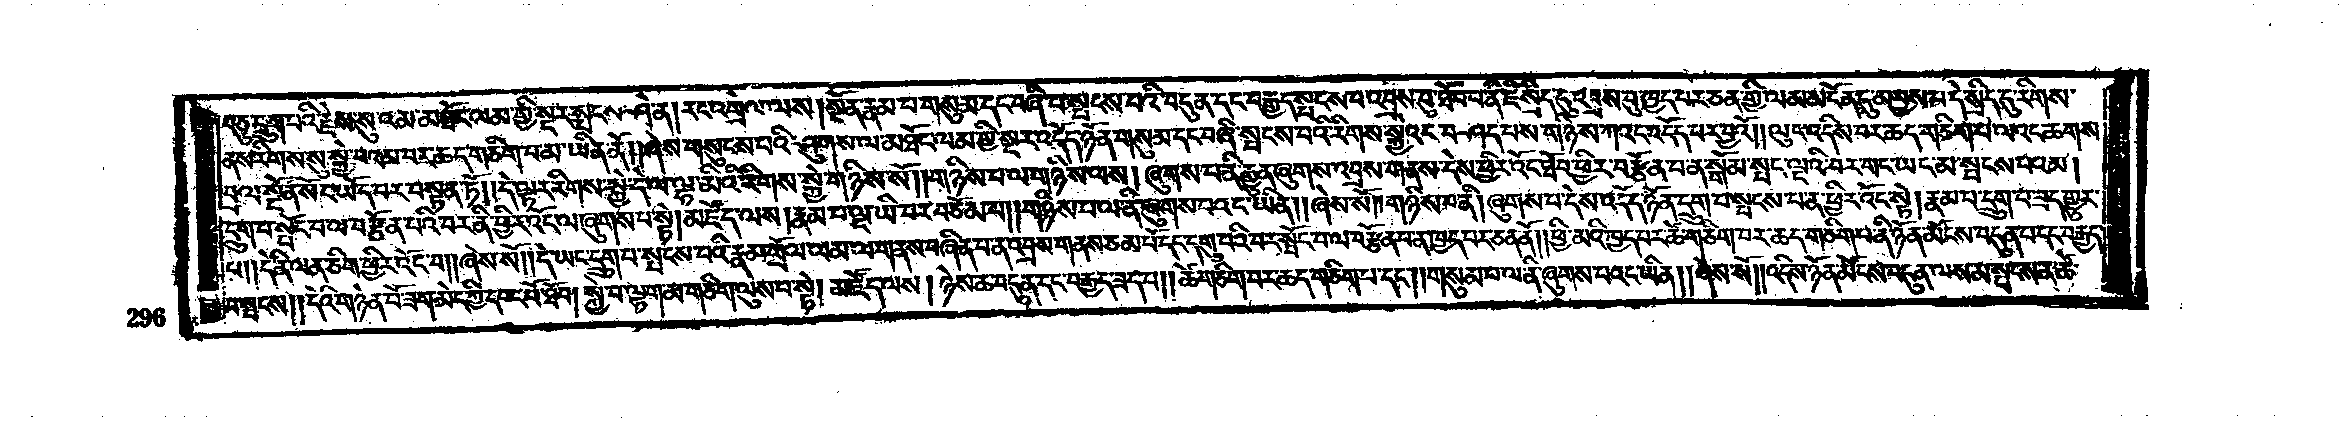བཅུ་དྲུག་པའི་རྗེས་སུ་འམ་མཐོང་ལམ་གྱི་སྔར་སྤངས་ཤེ་ན། རང་འགྲེལ་ལས། སྔོན་རྣམ་པ་གསུམ་དང་བཞི་པ་སྤངས་པའི་བདུན་དང་བརྒྱད་སྤངས་པ་འབྲས་བུ་ཐོབ་པ་ནི་ཇི་སྲིད་དུ་འབྲས་བུ་ཁྱད་པར་ཅན་གྱི་ལམ་མངོན་དུ་མ་བྱས་པ་དེ་སྲིད་དུ་རིགས་
ནས་རིགས་སུ་སྐྱེ་བའམ་བར་ཆད་གཅིག་པ་མ་ཡིན་ནོ། །ཞེས་གསུངས་པའི་ཤུགས་ལ་མཐོང་ལམ་གྱི་སྔར་འདོད་ཉོན་གསུམ་དང་བཞི་སྤངས་པའི་རིགས་སྐྱེའང་བཤད་པས་གཉིས་ཀའང་འདོད་པར་བྱའོ། །ལུང་འདིས་བར་ཆད་གཅིག་པ་ལའང་ཆགས་
བྲལ་སྔོན་སོང་ཡོད་པར་བསྟན་ཏོ། །དེ་ལྟར་རིགས་སྐྱེ་དེ་ལ་ལྷ་མིའི་རིགས་སྐྱེ་གཉིས་སོ། །གཉིས་པ་ལ་གཉིས་ལས། ཞུགས་པ་ནི་རྒྱུན་ཞུགས་འབྲས་གནས་དེས་ཕྱིར་འོང་ཐོབ་ཕྱིར་བརྩོན་པ་ན་སྒོམ་སྤང་ལྔའི་བར་གང་ཡང་མ་སྤངས་པའམ།
དྲུག་པ་སྤོང་བ་ལ་བརྩོན་པའི་བར་ནི་ཕྱིར་འོང་ལ་ཞུགས་པ་སྟེ། མཛོད་ལས། རྣམ་པ་ལྔ་ཡི་བར་བཅོམ་པ། །གཉིས་པ་ལ་ནི་ཞུགས་པའང་ཡིན། །ཞེས་སོ། །གཉིས་པ་ནི། ཞུགས་པ་དེས་འདོད་ཉོན་དྲུག་པ་སྤངས་པ་ན་ཕྱིར་འོང་སྟེ། རྣམ་པ་དྲུག་པ་ཟད་གྱུར་
པ། །དེ་ནི་ལན་ཅིག་ཕྱིར་འོང་བ། །ཞེས་སོ། །དེ་ཡང་དྲུག་པ་སྤངས་པའི་རྣམ་གྲོལ་ལམ་ལ་གནས་བཞིན་པ་ན་འབྲས་གནས་ཙམ་པོ་དང་དགུ་པའི་བར་སྤོང་བ་ལ་བརྩོན་པ་ན་ཁྱད་པར་ཅན་ནོ། །ཕྱི་མའི་ཁྱད་པར་ཚེ་གཅིག་བར་ཆད་གཅིག་པ་ནི་ཉོན་མོངས་བདུན་པ་དང་བརྒྱད་
པ་སྤངས། །དེའི་གཉེན་པོ་ཟག་མེད་ཀྱི་དབང་པོ་ཐོབ། སྐྱེ་བ་ལྷག་མ་གཅིག་ལུས་པ་སྟེ། མཛོད་ལས། ཉེས་ཆ་བདུན་དང་བརྒྱད་ཟད་པ། །ཚེ་གཅིག་བར་ཆད་གཅིག་པ་དང་། །གསུམ་པ་ལ་ནི་ཞུགས་པའང་ཡིན། །ཞེས་སོ། །འདིས་ཉོན་མོངས་བདུན་ལས་མ་སྤངས་ན་ཚེ་